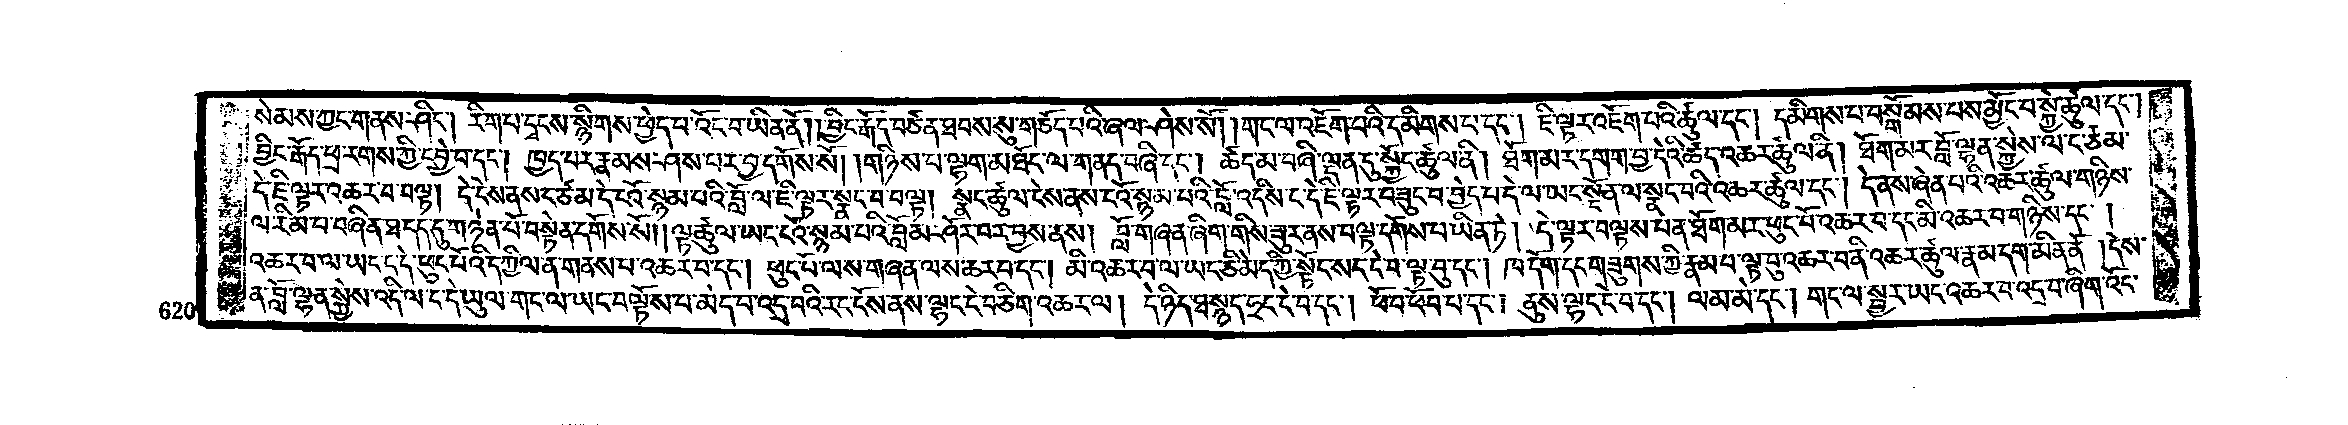སེམས་ཀྱང་གནས་ཤིང་། རིག་པ་དྭངས་སྙིགས་ཕྱེད་པ་འོང་བ་ཡིན་ནོ། །བྱིང་རྒོད་བཙན་ཐབས་སུ་གཅོད་པའི་ཞལ་ཤེས་སོ། །གང་ལ་འཇོག་པའི་དམིགས་པ་དང་། ཇི་ལྟར་འཇོག་པའི་ཚུལ་དང་། དམིགས་པ་བསྒོམས་པས་མྱོང་བ་སྐྱེ་ཚུལ་དང་།
བྱིང་རྒོད་ཕྲ་རགས་ཀྱི་དབྱེ་བ་དང་། ཁྱད་པར་རྣམས་ཤས་པར་བྱ་དགོས་སོ། །གཉིས་པ་ལྷག་མཐོང་ལ་གནད་བཞི་དང་། ཚད་མ་བཞི་ལྡན་དུ་སྐྱོང་ཚུལ་ནི། ཐོག་མར་དགག་བྱ་དེའི་ཚད་འཆར་ཚུལ་ནི། ཐོག་མར་བློ་ལྷན་སྐྱེས་ལ་ང་ཙམ་
དེ་ཇི་ལྟར་འཆར་བ་བལྟ། དེ་ངེས་ནས་ང་ཙམ་དེ་ངའོ་སྙམ་པའི་བློ་ལ་ཇི་ལྟར་སྣང་བ་བལྟ། སྣང་ཚུལ་ངེས་ནས་ངའོ་སྙམ་པའི་བློ་འདིས་ང་དེ་ཇི་ལྟར་བཟུང་བ་བྱེད་པ་དེ་ལ་ཡང་སྔོན་ལ་སྣང་བའི་འཆར་ཚུལ་དང་། དེ་ནས་ཞེན་པའི་འཆར་ཚུལ་གཉིས་
ལ་རིམ་པ་བཞིན་ཐ་དད་དུ་གཉེན་པོ་བསྟེན་དགོས་སོ། །ལྟ་ཚུལ་ཡང་ངའོ་སྙམ་པའི་བློ་མ་ཤོར་བར་བྱས་ནས། བློ་གཞན་ཞིག་གིས་ཟུར་ནས་བལྟ་དགོས་པ་ཡིན་ཏེ། དེ་ལྟར་བལྟས་པ་ན་ཐོག་མར་ཕུང་པོ་འཆར་བ་དང་མི་འཆར་བ་གཉིས་དང་།
འཆར་བ་ལ་ཡང་ང་དེ་ཕུང་པོའི་དཀྱིལ་ན་གནས་པ་འཆར་བ་དང་། ཕུང་པོ་ལས་གཞན་ལས་འཆར་བ་དང་། མི་འཆར་བ་ལ་ཡང་ཅི་མེད་ཀྱི་སྟོང་སང་དེ་བ་ལྟ་བུ་དང་། ཁ་དོག་དང་གཟུགས་ཀྱི་རྣམ་པ་ལྟ་བུ་འཆར་བ་ནི་འཆར་ཚུལ་རྣམ་དག་མིན་ནོ། །དེས་
ན་བློ་ལྷན་སྐྱེས་འདི་ལ་ང་དེ་ཡུལ་གང་ལ་ཡང་བལྟོས་པ་མེད་པ་འདྲ་བའི་རང་ངོས་ནས་ལྷང་ངེ་བ་ཅིག་འཆར་ལ། དེ་ཉིད་ཐ་སྙད་ཧྲང་ངེ་བ་དང་། ཕོབ་ཕོབ་པ་དང་། ནུས་ལྷང་ངེ་བ་དང་། ལམ་མེ་དང་། གང་ལ་སྦྱར་ཡང་འཆར་བ་འདྲ་བ་ཞིག་འོང་